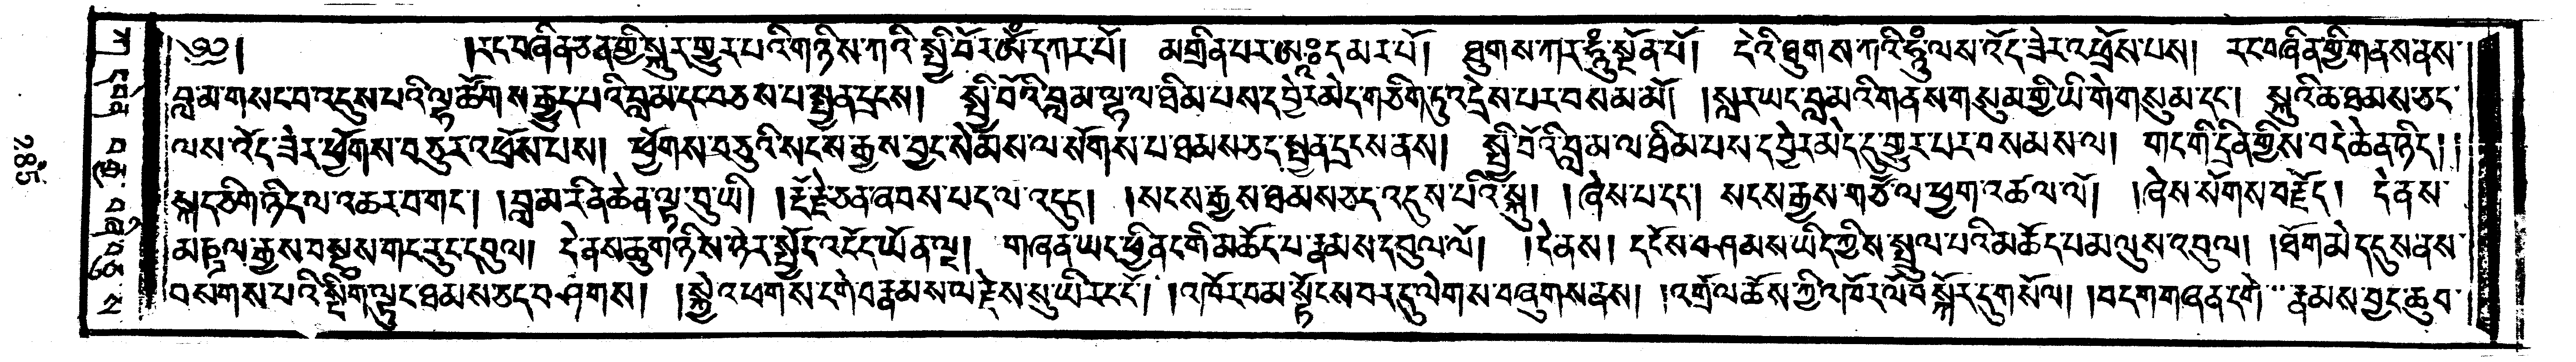༄༅། །རང་བཞིན་ཅན་གྱི་སྐུར་གྱུར་པའི་གཉིས་ཀའི་སྤྱི་བོར་ཨོཾ་དཀར་པོ། མགྲིན་པར་ཨཱཿ དམར་པོ། ཐུགས་ཀར་ཧཱུཾ་སྔོན་པོ། དེའི་ཐུགས་ཀའི་ཧཱུཾ་ལས་འོད་ཟེར་འཕྲོས་པས། རང་བཞིན་གྱི་གནས་ནས་
བླ་མ་གསང་བ་འདུས་པའི་ལྷ་ཚོགས་རྒྱུད་པའི་བླ་མ་དང་བཅས་པ་སྤྱན་དྲངས། སྤྱི་བོའི་བླ་མ་ལྷ་ལ་ཐིམ་པས་དབྱེར་མེད་གཅིག་ཏུ་འདྲེས་པར་བསམ་མོ། །སླར་ཡང་བླ་མའི་གནས་གསུམ་གྱི་ཡི་གེ་གསུམ་དང་། སྐུའི་ཆ་ཐམས་ཅད་
ལས་འོད་ཟེར་ཕྱོགས་བཅུར་འཕྲོས་པས། ཕྱོགས་བཅུའི་སངས་རྒྱས་བྱང་སེམས་ལ་སོགས་པ་ཐམས་ཅད་སྤྱན་དྲངས་ནས། སྤྱི་བོའི་བླ་མ་ལ་ཐིམ་པས་དབྱེར་མེད་དུ་གྱུར་པར་བསམས་ལ། གང་གི་དྲིན་གྱིས་བདེ་ཆེན་ཉིད།།
སྐད་ཅིག་ཉིད་ལ་འཆར་བ་གང་། །བླ་མ་རིན་ཆེན་ལྟ་བུ་ཡི། །རྡོ་རྗེ་ཅན་ཞབས་པད་ལ་འདུད། །སངས་རྒྱས་ཐམས་ཅད་འདུས་པའི་སྐུ། །ཞེས་པ་དང་། སངས་རྒྱས་གཙོ་ལ་ཕྱག་འཚལ་ལོ། །ཞེས་སོགས་བརྗོད། དེ་ནས་
མཎྜལ་རྒྱས་བསྡུས་གང་རུང་དབུལ། དེ་ནས་ཆུ་གཉིས་ཉེར་སྤྱོད་འདོད་ཡོན་ལྔ། གཞན་ཡང་ཕྱི་ནང་གི་མཆོད་པ་རྣམས་དབུལ་ལོ། །དེ་ནས། དངོས་བཤམས་ཡིད་ཀྱིས་སྤྲུལ་པའི་མཆོད་པ་མ་ལུས་འབུལ། །ཐོག་མེད་དུས་ནས་
བསགས་པའི་སྡིག་ལྟུང་ཐམས་ཅད་བཤགས། །སྐྱེ་འཕགས་དགེ་བ་རྣམས་ལ་རྗེས་སུ་ཡི་རང་ངོ། །འཁོར་བ་མ་སྟོངས་བར་དུ་ལེགས་བཞུགས་ནས། །འགྲོ་ལ་ཆོས་ཀྱི་འཁོར་ལོ་བསྐོར་དུ་གསོལ། །བདག་གཞན་དགེ་རྣམས་བྱང་ཆུབ་